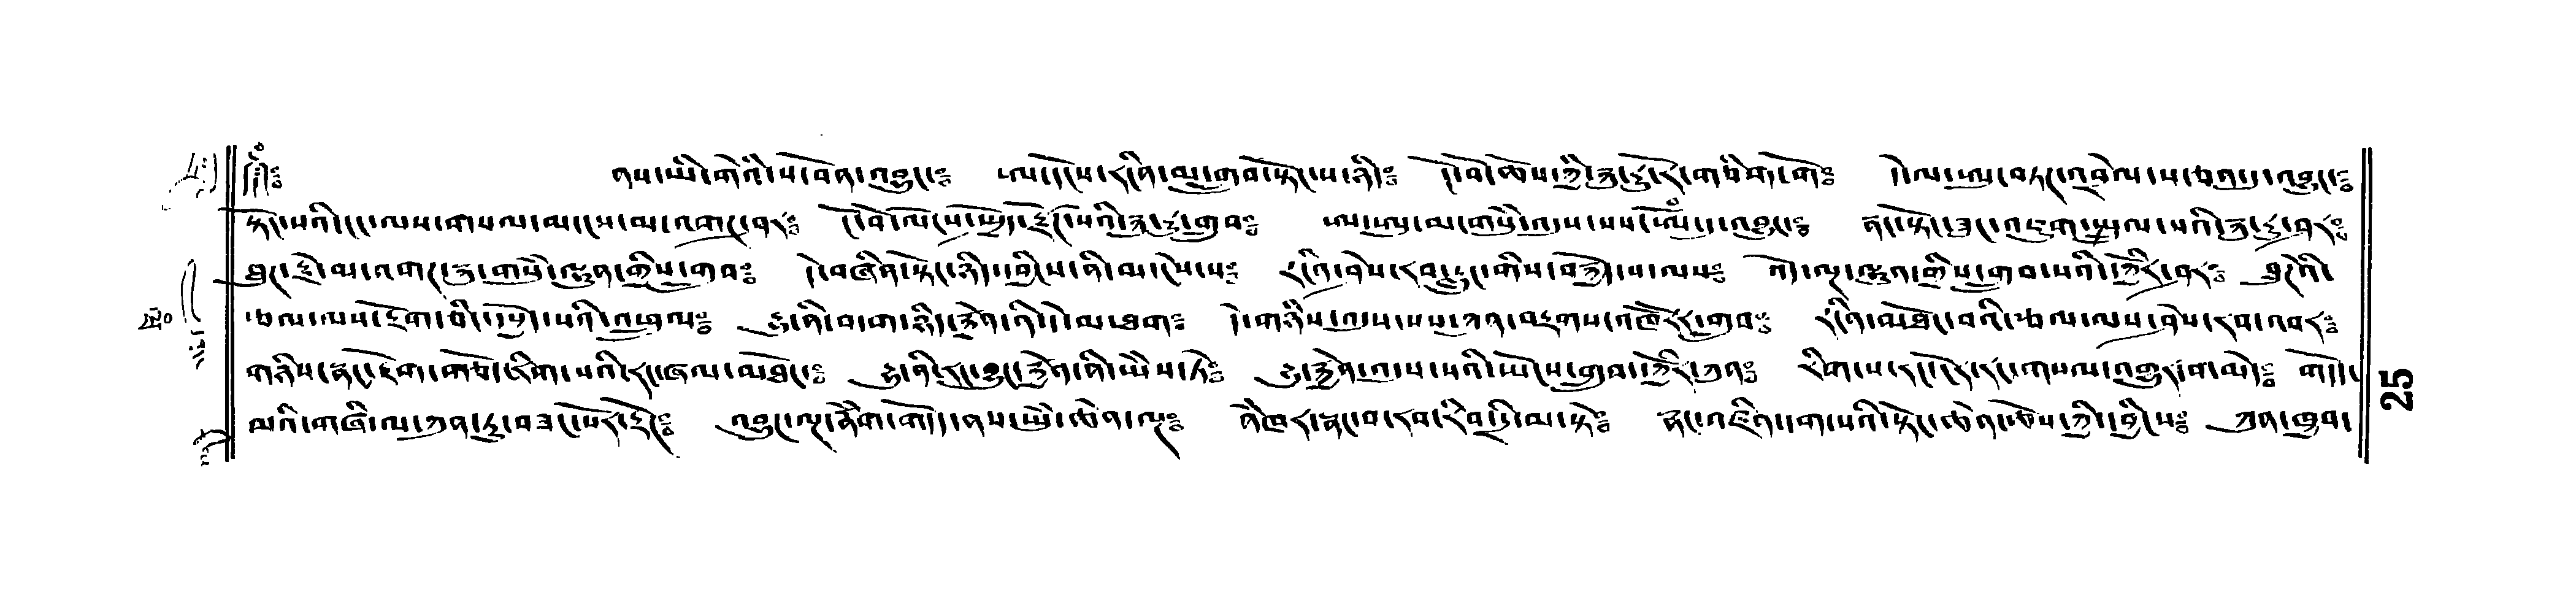ནས་ཡི་གེའི་ས་བོན་འབྱུང༔ ཨ་དངོས་རང་བཞིན་མ་གྲུབ་སྟོང་པ་ཉིད༔ ངོ་བོ་ཆོས་ཀྱི་སྐུ་རུ་རོ་གཅིག་གོ༔ དེ་ལ་ཨུ་བཏགས་འབྲེལ་པ་ཅན་དུ་འབྱུང༔ 
སྟོང་པའི་ངང་ལས་གསལ་མདངས་མ་འགགས་ཤར༔ ངོ་བོ་ལོངས་སྤྱོད་རྫོགས་པའི་སྐུ་རུ་གྲུབ༔ ཨ་ཨུ་མ་གསུམ་འདུས་པས་ཨོཾ་དུ་འབྱུང༔ སྣང་སྟོང་ཟུང་འཇུག་སྤྲུལ་པའི་སྐུ་རུ་ཤར༔ 
ཐུགས་རྗེ་མ་འགགས་སྐུ་གསུམ་ལྷུན་གྱིས་གྲུབ༔ དེ་བཞིན་སྟོང་ཉིད་དབྱིངས་ནི་མ་ངེས་པ༔ རང་བཞིན་ཤེས་རབ་རླུང་གིས་བསྐྱོད་པ་ལས༔ འོད་ལྔ་ལྷུན་གྱིས་གྲུབ་པའི་དཀྱིལ་འཁོར་ཤར༔ ཐུགས་རྗེའི་
རྩལ་ལས་རྟོག་ཅིང་དཔྱོད་པའི་འཕྲུལ༔ རྒྱུ་ནི་བདག་ཉིད་རྐྱེན་ནི་དེ་མ་ཐག༔ དེ་གཉིས་འདུས་པས་ཀུན་བརྟགས་འཁོར་ལོར་གྲུབ༔ རང་བཞིན་མཐོང་བའི་རྩལ་ལས་ཤེས་རབ་འབར༔ 
གཉིས་སྣང་རྟོག་གཅོད་རིག་པའི་རང་ཞལ་མཐོང༔ རྒྱུ་ནི་རང་བྱུང་རྐྱེན་ནི་ཡེ་ཤེས་ཏེ༔ རྒྱ་རྐྱེན་འདུས་པའི་ཡོངས་གྲུབ་དཀྱིལ་འཁོར་ཀུན༔ རིག་པ་རང་ངོར་རང་གསལ་འགྱུར་བ་མེད༔ གདོད་
མའི་གཞི་ལ་ཀུན་ཏུ་བཟང་པོར་རྟོགས༔ འབྱུང་ལྔ་རྣམ་དག་གདོད་ནས་ཡུམ་ཆེན་ལྔ༔ ནམ་མཁར་སྣང་བ་རབ་རིབ་དྲི་མ་སྟེ༔ སྣང་འཛིན་དག་པའི་སྟོང་ཆེན་ཆོས་ཀྱི་དབྱིངས༔ ཀུན་ཁྱབ་